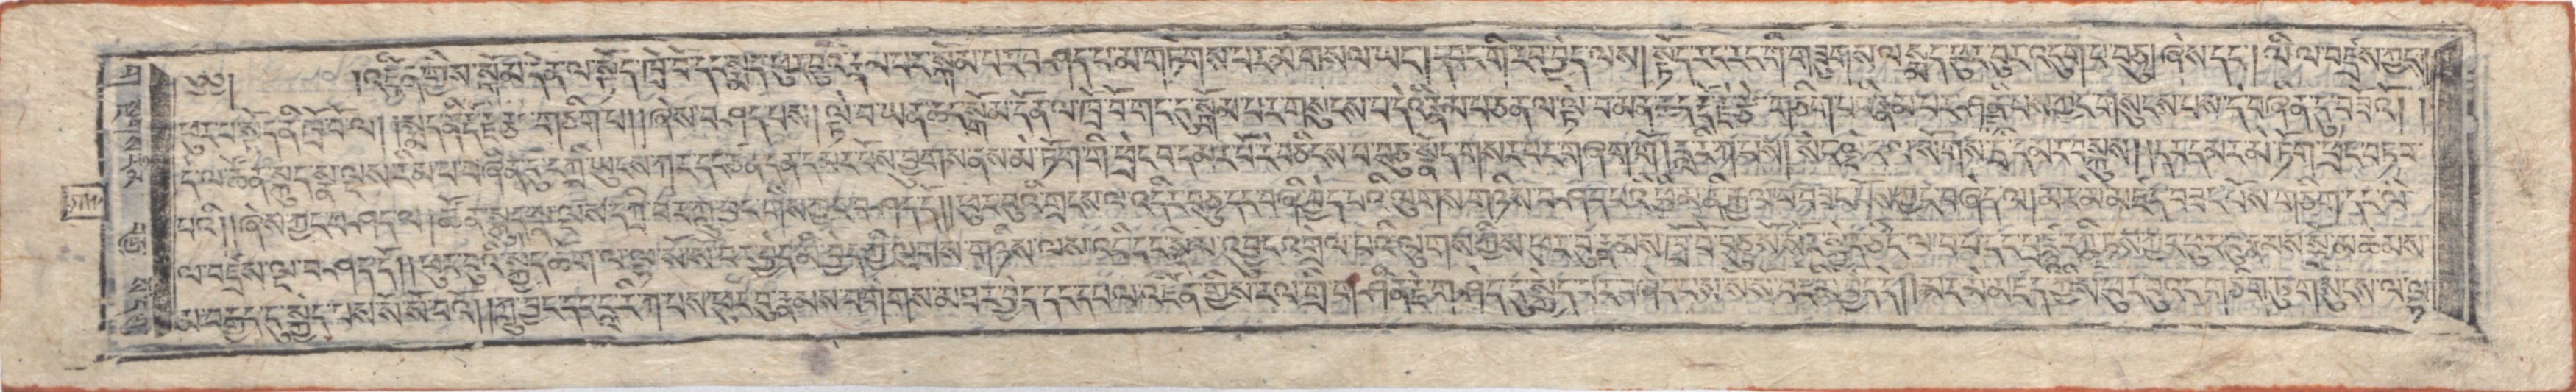༄༅། །འཛིན་གྱིས་སྒོམ་དོན་ལ་སྟོད་ཁྲོ་བོ་དང་སྨད་ཕུར་བུའི་རྣམ་པར་སྒོམ་པར་བཤད་པ་མ་གཏོགས་པར་མི་གསལ་ཡང་། དབང་གི་རབ་བྱེད་ལས། སྟོད་རང་རང་གི་གཟུགས་ལ་སྨད་ཕུར་བུར་འདུག་པ་བཅུ། ཞེས་དང་། ལི་ལ་བཛྲས་ཀྱང་།
ཕུར་པ་སྟོད་ནི་ཁྲོ་བོ་ལ། །སྨད་ནི་རྡོ་རྗེ་རྩེ་གཅིག་པ། །ཞེས་བཤད་པས། ལྟེ་བ་ཡན་ཆད་སྒོམ་དོན་ལ་ཁྲོ་བོ་གང་དུ་སྒོམ་པར་གསུངས་པ་དེའི་རྣམ་པ་ཅན་ལ་ལྟེ་བ་མན་ཆད་རྡོ་རྗེ་རྩེ་གཅིག་པའི་རྣམ་པར་ཤནྟི་པས་ཀྱང་གསུངས་པས་དེ་བཞིན་དུ་བཟོའོ། །
དེ་ལ་ཚོན་སྐུད་སྣ་ལྔས་རིམ་པ་བཞིན་དུ་དཀྲི་ཡུངས་ཀར་དང་ཙན་དན་དམར་པོས་བྱུགས་ནས་མེ་ཏོག་གི་ཕྲེང་བ་དམར་པོ་རེ་བཅིངས་པ་བཅུ་སྣོད་གསར་པར་གཞག་གོ །དཱ་རི་ཀ་པས། སེང་ལྡེང་ལ་སོགས་དྲི་དམར་བསྐུས། །དར་དམར་མེ་ཏོག་ཕྲེང་བཏབ་
པའི། །ཞེས་ཀྱང་བཤད་ལ། ཚོན་སྐུད་སྣ་ལྔས་དཀྲི་བར་ཀླུ་བྱང་གིས་ཀྱང་བཤད་དོ། །ཕུར་བུའི་གྲངས་ལ་འདིར་བཅུ་དང་བཞི་བྱེད་པའི་ལུགས་གཉིས་བཤད་པའི་ཕྱི་མ་ནི་རྒྱལ་བ་བཟང་པོས་ཀྱང་བཞེད་ལ། མར་མེ་མཛད་བཟང་པོས་གཅིག་དང་ལི་
ལ་བཛྲས་ལྔ་བཤད་དོ། །ཕུར་བུའི་སྐྱེད་ཆོག་ལ་ལྷ་སོ་སོ་བར་བྱེད་མི་བྱེད་ཀྱི་ལུགས་གཉིས་ལས་འདི་དང་སྡོམ་འབྱུང་འགྲེལ་པའི་ལུགས་ཀྱིས་ཕུར་བུ་རྣམས་ཁྲོ་བོ་བཅུ་སོ་སོར་སྐྱེད་ཅིང་ལ་བ་པ་དང་པྲཛྙཱ་རཀྵི་ཏས་ཀྱང་ཕུར་བུ་རྣམས་སྒོ་མཚམས་
མ་བརྒྱད་དུ་སྐྱེད་པས་སོ་སོ་བའོ། །ཀླུ་བྱང་དང་དཱ་རི་ཀ་པས་ཕུར་བུ་རྣམས་བགེགས་མཐར་བྱེད་དང་དཔལ་འཛིན་གྱིས་རལ་གྲི་གཤིན་རྗེ་གཤེད་དུ་སྐྱེད་པར་བཞེད་པས་སོ་སོ་བར་མི་བྱེད་དོ། །མར་མེ་མཛད་ཀྱིས་ཕུར་བུའང་གཅིག་ཏུ་གསུངས་ལ་ལྷ་